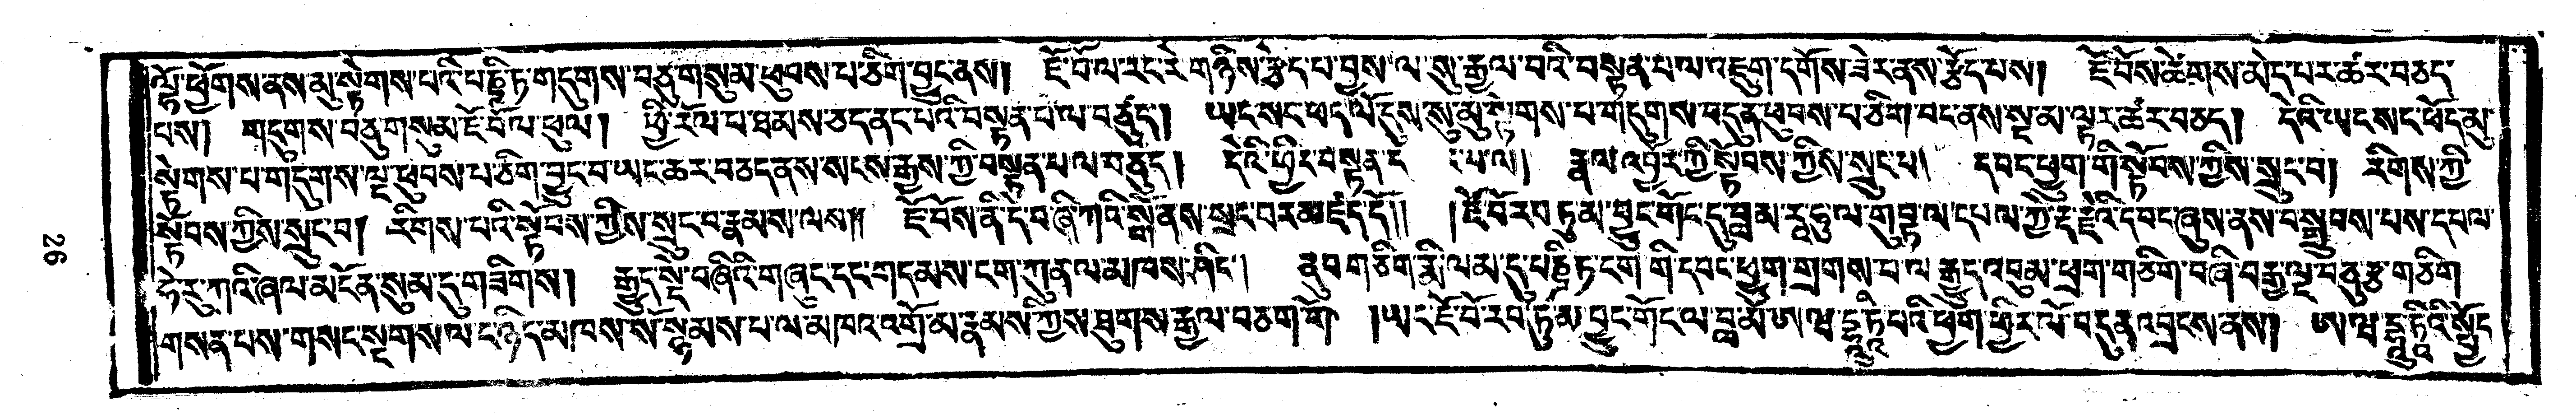ལྷོ་ཕྱོགས་ནས་མུ་སྟེགས་པའི་པཎྜི་ཏ་གདུགས་བཅུ་གསུམ་ཕུབས་པ་ཅིག་བྱུང་ནས། ཇོ་བོ་ལ་རང་རེ་གཉིས་རྩེད་པ་བྱས་ལ་སུ་རྒྱལ་བའི་བསྟན་པ་ལ་འཇུག་དགོས་ཟེར་ནས་རྩོད་པས། ཇོ་བོས་ཚེགས་མེད་པར་ཚར་བཅད་
པས། གདུགས་བཅུ་གསུམ་ཇོ་བོ་ལ་ཕུལ། ཕྱི་རོལ་པ་ཐམས་ཅད་ནང་པའི་བསྟན་པ་ལ་བཙུད། ཡང་སང་ཕད་ལོ་དུས་སུ་མུ་སྟེགས་པ་གདུགས་བདུན་ཕུབས་པ་ཅིག་བང་ནས་སྔ་མ་ལྟར་ཚར་བཅད། དེའི་ཡང་སང་ཕོད་མུ་
སྟེགས་པ་གདུགས་ལྔ་ཕུབས་པ་ཅིག་བྱུང་བ་ཡང་ཆར་བཅད་ནས་སངས་རྒྱས་ཀྱི་བསྟན་པ་ལ་བཅུད། དེའི་ཕྱིར་བསྟན་?་པ་ལ། རྣལ་འབྱོར་ཀྱི་སྟོབས་ཀྱིས་སྲུང་པ། དབང་ཕྱུག་གི་སྟོབས་ཀྱིས་སྲུང་བ། རིགས་ཀྱི་
སྟོབས་ཀྱིས་སྲུང་བ། རིགས་པའི་སྟོབས་ཀྱིས་སྲུང་བ་རྣམས་ལས། ཇོ་བོས་ནི་དེ་བཞི་ཀའི་སྒོ་ནས་སྲང་བར་མཛད་དོ།། །ཇོ་བོ་རབ་ཏུ་མ་བྱུང་གོང་དུ་བླ་མ་རཱ་ཧུ་ལ་གུཔྟ་ལ་དཔལ་ཀྱེ་རྡོ་རྗེའི་དབང་ཞུས་ནས་བསྒྲུབས་པས་དཔལ་
ཧེ་རུ་ཀའི་ཞལ་མངོན་སུམ་དུ་གཟིགས། རྒྱུད་སྡེ་བཞིའི་གཞུང་དང་གདམས་ངག་ཀུན་ལ་མཁས་ཤིང་། ནུབ་གཅིག་རྨི་ལམ་དུ་པཎྜི་ཏ་ངག་གི་དབང་ཕྱུག་གྲགས་པ་ལ་རྒྱུད་འབུམ་ཕྲག་གཅིག་བཞི་བརྒྱ་ལྔ་བཅུ་རྩ་གཅིག་
གསན་པས་གསང་སྔགས་ལ་ང་ཉིད་མཁས་སོ་སྙམས་པ་ལ་མཁའ་འགྲོ་མ་རྣམས་ཀྱིས་ཐུགས་རྒྱལ་བཅག་གོ །ཡང་ཇོ་བོ་རབ་ཏུ་མ་བྱུང་གོང་ལ་བླ་མ་ཨ་ཝ་དྷཱུ་ཏཱི་པའི་ཕྱག་ཕྱིར་ལོ་བདུན་འབྲངས་ནས། ཨ་ཝ་དྷཱུ་ཏཱིའི་སྤྱོད་